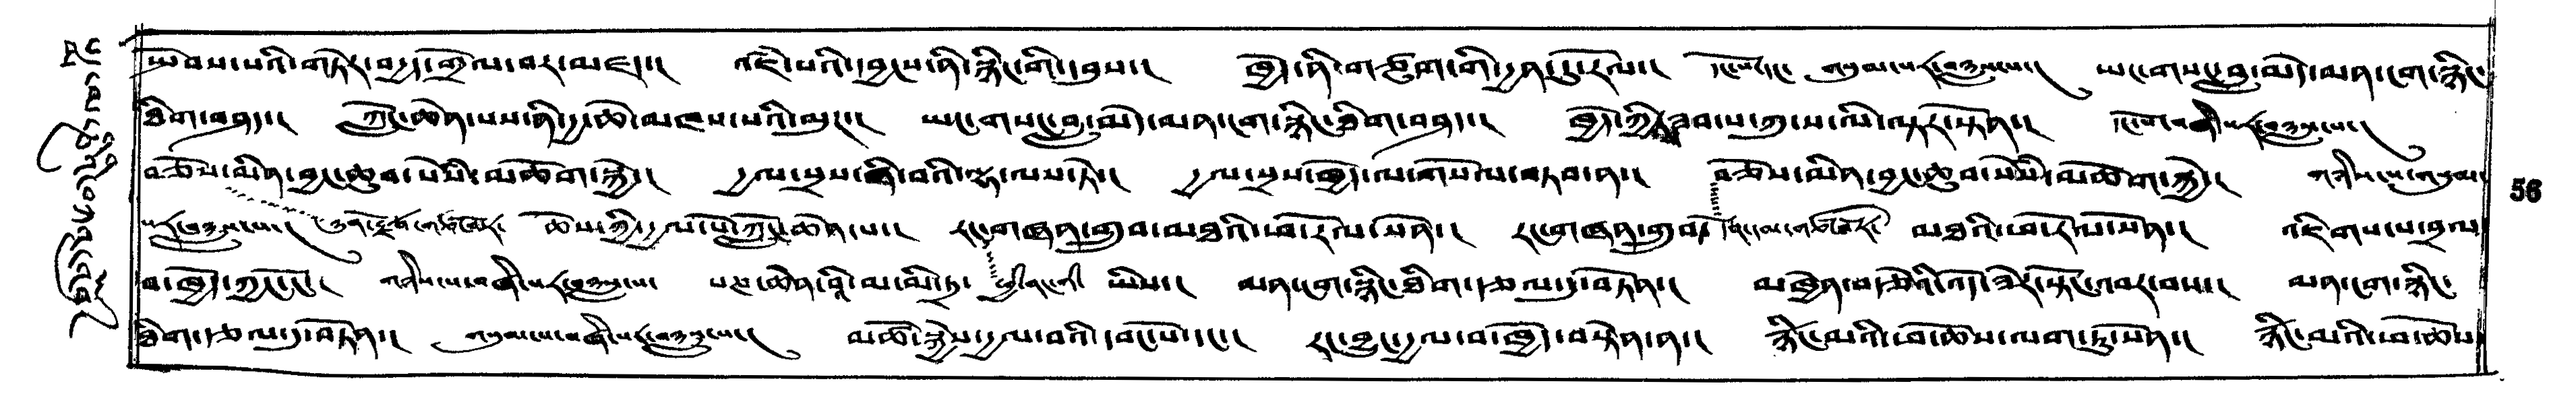།སྤོབས་པའི་གཏེར་བརྒྱད་གྲོལ་བར་མཛད། །འཇམ་པའི་དབྱངས་ནི་སྙིང་གི་དབུས། །ཁྱོད་ནི་གཙུག་གི་རྒྱན་དུ་རོལ། ། དང་པོ་དང་། གསུམ་པར་བཟླས་པ། ཡང་གསང་བླ་མེད་མན་ངག་སྙིང་
ཐིག་བཤད། །ཀློང་ཆེན་པས་ནི་རྒྱ་ཆེ་མཁས་པའི་ལུགས། །ཡང་གསང་བླ་མེད་མན་ངག་སྙིང་ཐིག་བཤད། །ཁྱོད་ཀྱིས་ཟབ་པ་ཀུ་ས་ལི་ལྟར་སྟོན། །དང་པོ་བཞི་པར་བཟླས་པ། 
བཅོས་ཀུན་རྫོབ་གཙོ་བོར། མིན་བྱང་ཆུབ་སེམས་མཆོག་སྐྱེ། །རྒྱལ་སྲས་ཞི་བའི་ལྷ་ལས་ཏེ། །རྒྱལ་སྲས་ཁྱོད་ལ་གསོལ་བཏབ་ན། ། དོན་དམ་གཙོ་བོར་བཅོས་མིན་བྱང་ཆུབ་སེམས་མཆོག་སྐྱེ། གཉིས་པ་གསུམ་
པར་བཟླས་པ། ཆོས་ཀྱི་རྒྱལ་པོ་ཀློང་ཆེན་པ། །རང་ཕྱི་ནང་གི་གཞན་གྲུབ་མཐའི་ཕ་རོལ་སོན། །རང་གཞན་གྲུབ་མཐའི་ཕ་རོལ་སོན། །འཇིགས་པ་བྲལ་བ་
ཁྱོད་ཀྱང་ངོ་། ། གཉིས་པ་བཞི་པར་བཟླས་པ། པཎ་ཆེན་བི་མ་མི་ཏྲ་ཡིས། །མན་ངག་སྙིང་ཐིག་རྩལ་དུ་བཏོན། །མཁྱེན་བརྩེའི་འོད་ཟེར་སྟོང་འབར་བས། །མན་ངག་སྙིང་
ཐིག་རྩལ་དུ་བཏོན། ། གསུམ་པ་བཞི་པར་བཟླས་པ། མཚོ་སྐྱེས་རྒྱལ་བའི་དབང་པོ་དང་། །རང་བྱུང་རྒྱལ་བ་ཁྱོད་བསྟེན་ན། །རྙིང་མའི་ཕ་ཆོས་ལག་ཏུ་སོན། །རྙིང་མའི་ཕ་ཆོས་